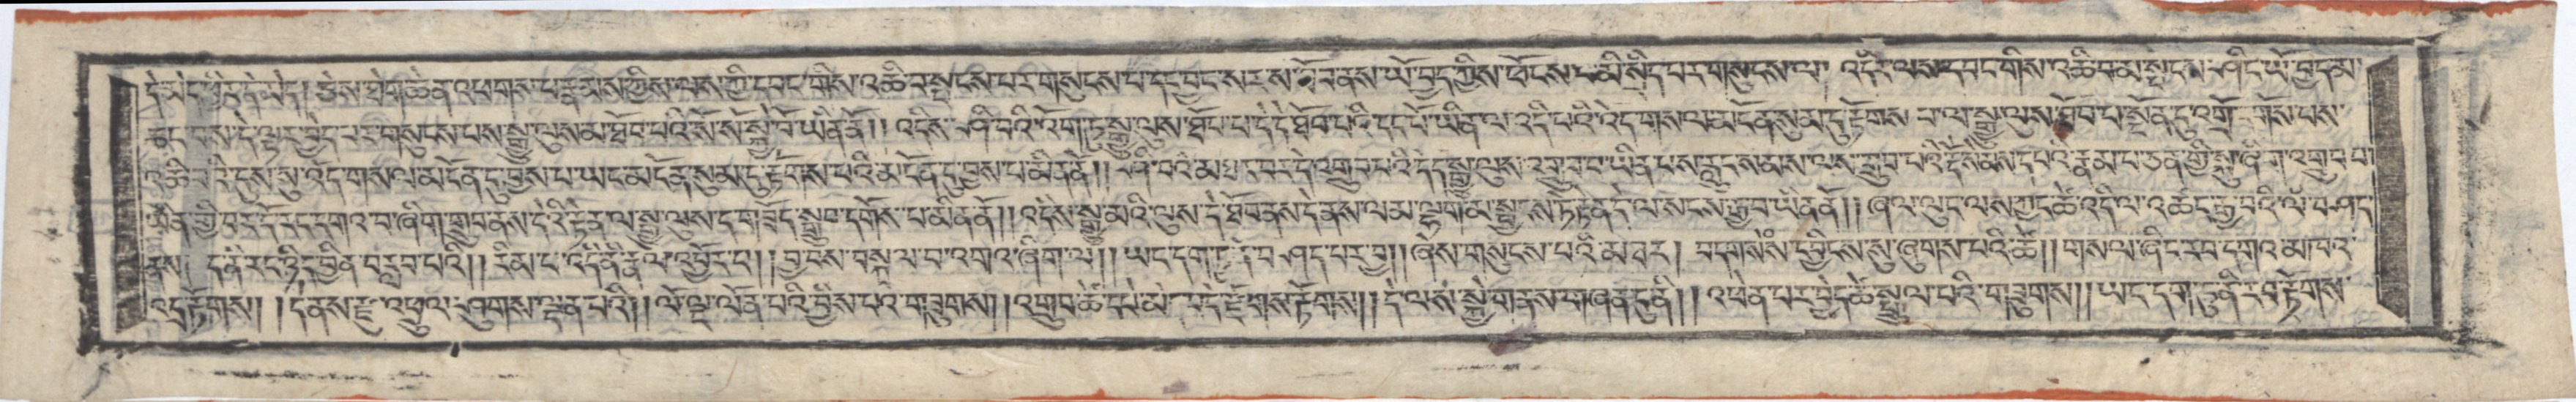དེ་མེད་ཕྱིར་དེ་མེད། ཅེས་ཐེག་ཆེན་འཕགས་པ་རྣམས་ཀྱིས་ལས་ཀྱི་དབང་གིས་འཆི་བ་སྤངས་པར་གསུངས་པ་དང་བྱང་སར་ས་ཐོབ་ནས་ཡོ་བྱད་ཀྱིས་ཕོངས་པ་མི་སྲིད་པར་གསུངས་ལ། འདིར་ལས་དབང་གིས་འཆི་བ་མ་སྤངས་ཤིང་ཡོ་བྱད་མ་
ཆང་བས་དེ་ལྟར་བྱེད་པར་གསུངས་པས་སྒྱུ་ལུས་མ་ཐོབ་པའི་སོ་སོ་སྐྱེ་བོ་ཡིན་ནོ། །འདིས་ཤི་བའི་འོག་ཏུ་སྒྱུ་ལུས་ཐོབ་པ་དེ་དེ་ཐོབ་པའི་དང་པོ་ཡིན་ལ་འདི་པའི་འོད་གསལ་མངོན་སུམ་དུ་རྟོགས་པ་ལ་སྒྱུ་ལུས་ཐོབ་པ་སྔོན་དུ་འགྲོ་དགོས་པས་
འཆི་བའི་དུས་སུ་འོད་གསལ་མངོན་དུ་བྱས་པ་ཡང་མངོན་སུམ་དུ་རྟོགས་པའི་མངོན་དུ་བྱས་པ་མིན་ནོ། །ཤི་བའི་མཐར་བར་དེ་འགྲུབ་པའི་དོད་སྒྱུ་ལུས་འགྲུབ་པ་ཡིན་པས་རླུང་སེམས་ལས་གྲུབ་པའི་རྡོ་སེམས་དཔའི་རྣམ་པ་ཅན་གྱི་སྐུ་ཞིག་འགྲུབ་པ་
ཡིན་གྱི་བར་དོ་རང་དགའ་བ་ཞིག་གྲུབ་ནས་དེའི་རྟེན་ལ་སྒྱུ་ལུས་ད་གཟོད་སྒྲུབ་དགོས་པ་མིན་ནོ། །འདིས་སྒྱུ་མའི་ལུས་དེ་ཐོབ་ནས་དེ་ནས་ལམ་ལྷག་མ་སྦྱངས་ཏེ་རྟེན་དེ་ལ་སངས་རྒྱ་བ་ཡིན་ནོ། །ཞལ་ལུང་ལས་ཀྱང་ཚེ་འདི་ལ་འཚང་རྒྱ་བའི་ལཾ་བཤད་
ནས། ད་ནི་རང་ཉིད་བྱིན་བརླབ་པའི། །རིམ་པ་འདི་ནི་རྣལ་འབྱོར་པ། །བྱ་བས་བསྐལ་བ་འགའ་ཞིག་ལ། །ཡང་དག་ཏུ་ནི་བཤད་པར་བྱ། །ཞེས་གསུངས་པའི་མཐར། བདག་སེམས་དབྱིངས་སུ་ཞུགས་པའི་ཚེ། །གསལ་ཞིང་རབ་དགའ་མཁའ་
འདྲ་རྟོགས། །དེ་ནས་རྫུ་འཕྲུལ་ཤུགས་ལྡན་པའི། །ལོ་ལྔ་ལོན་པའི་བྱིས་པའི་གཟུགས། །འགྲུབ་ཚེ་དཔེ་མེད་བདེ་རྫོགས་རྟོགས། །དེ་ལས་སྐྱེ་གནས་གཞན་དུ་ནི། །འཕེན་པར་བྱེད་ཚེ་སྤྲུལ་པའི་གཟུགས། །ཡང་དག་ཏུ་ནི་རབ་རྟོགས་